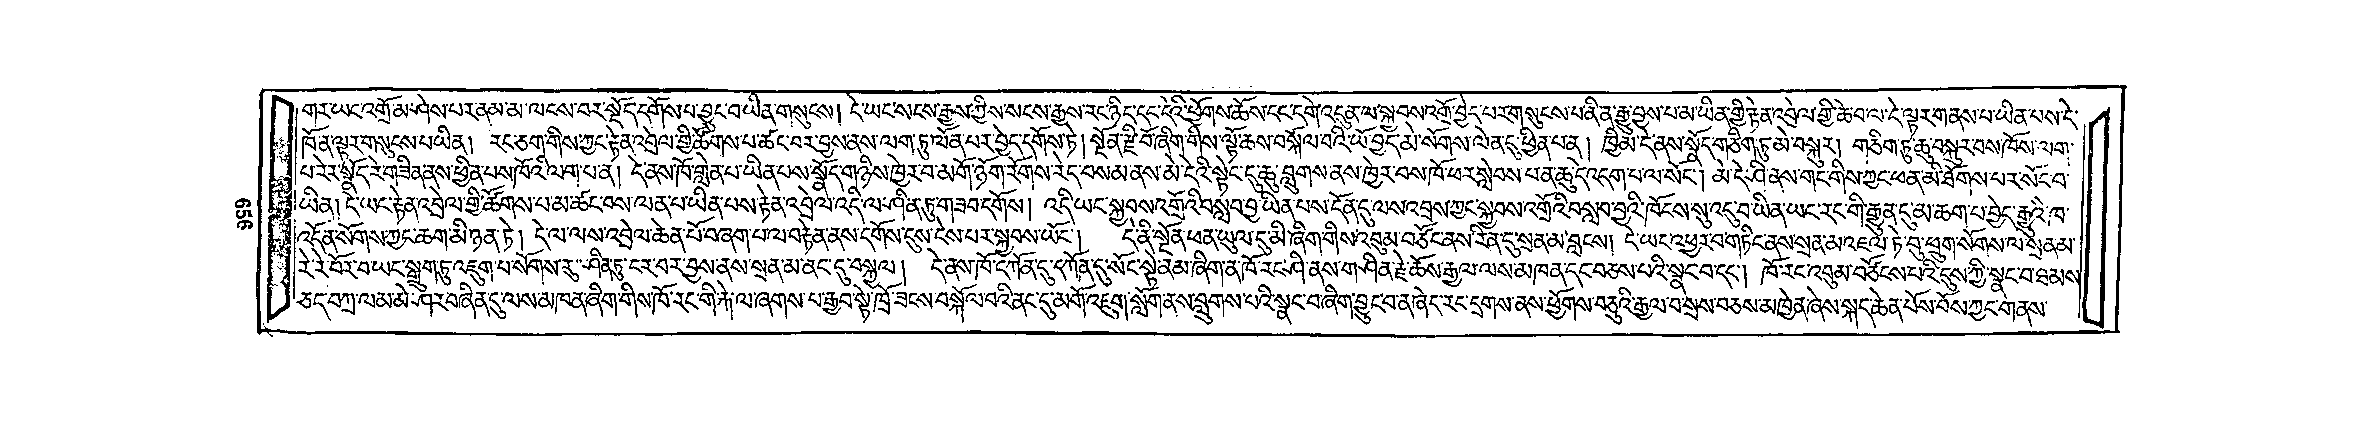གར་ཡང་འགྲོ་མ་ཤེས་པར་ནམ་མ་ལངས་བར་སྡོད་དགོས་པ་བྱུང་བ་ཡིན་གསུངས། དེ་ཡང་སངས་རྒྱས་ཀྱིས་སངས་རྒྱས་རང་ཉིད་དང་དེའི་ཕྱོགས་ཆོས་དང་དགེ་འདུན་ལ་སྐྱབས་འགྲོ་བྱེད་པར་གསུངས་པ་ནི་ན་རྒྱུ་བྱས་པ་མ་ཡིན་གྱི་རྟེན་འབྲེལ་གྱི་ཆེ་བ་ལ་དེ་ལྟར་གནས་པ་ཡིན་པས་དེ་
ཁོ་ན་ལྟར་གསུངས་པ་ཡིན། རང་ཅག་གིས་ཀྱང་རྟེན་འབྲེལ་གྱི་ཚོགས་པ་ཚང་བར་བྱས་ནས་ལག་ཏུ་ལོན་པར་བྱེད་དགོས་ཏེ། སྔོན་རྫི་བོ་ཞིག་གིས་ལྟོ་ཆས་བསྐོལ་བའི་ཡོ་བྱད་མེ་སོགས་ལེན་དུ་ཕྱིན་པ་ན། ཁྱིམ་དེ་ནས་སྣོད་གཅིག་ཏུ་མེ་བསྐུར། གཅིག་ཏུ་ཆུ་བསྐུར་བས་ཁོས་ལག་
པ་རེར་སྣོད་རེ་གཟིན་ནས་ཕྱིན་པས་ཁོའི་ལག་པ་ན། དེ་ནས་ཁོ་གླེན་པ་ཡིན་པས་སྣོད་གཉིས་ཁྱེར་བ་མགོ་ཉོག་རོགས་རེད་བསམ་ནས་མེ་དེའི་སྟེང་དུ་ཆུ་བླུགས་ནས་ཁྱེར་བས་ཁོ་ཕར་སླེབས་པ་ན་ཆུ་དེ་འདག་པ་ལ་སོང་། མེ་དེ་ཤི་ནས་གང་གིས་ཀྱང་ཕན་མི་ཐོགས་པར་སོང་བ་
ཡིན། དེ་ཡང་རྟེན་འབྲེལ་གྱི་ཚོགས་པ་མ་ཚང་བས་ལན་པ་ཡིན་པས་རྟེན་འབྲེལ་འདི་ལ་ཤིན་ཏུ་གཟབ་དགོས། འདི་ཡང་སྐྱབས་འགྲོའི་བསླབ་བྱ་ཡིན་པས་དོན་དུ་ལས་འབྲས་ཀྱང་སྐྱབས་འགྲོའི་བསླབ་བྱའི་ཁོངས་སུ་འདུ་བ་ཡིན་ཡང་རང་གི་རྒྱུན་དུ་མ་ཆག་པ་བྱེད་རྒྱུའི་ཁ་
འདོན་སོགས་ཀྱང་ཆག་མི་ཉན་ཏེ། དེ་ལ་ལས་འབྲེལ་ཆེན་པོ་བཞག་པ་ལ་བརྟེན་ནས་དགོས་དུས་ངེས་པར་སྐྱབས་ཡོང་། དེ་ནི་སྔོན་ཕན་ཡུལ་དུ་མི་ཞིག་གིས་འབུམ་བཙོང་ནས་རིན་དུ་སྲན་མ་བླངས། དེ་ཡང་འཕྱར་བ་གཏིང་ནས་སྲན་མ་འཇལ་ཏེ་བུ་ཕྲུག་སོགས་ལ་སྲན་མ་
རེ་རེ་བོར་བ་ཡང་སྒྲུག་ཏུ་འཇུག་པ་སོགས་རུ་ཤིན་ཏུ་ངར་བར་བྱས་ནས་སྲན་མ་ནང་དུ་བསྐྱལ། དེ་ནས་ཁོ་དཀོན་དུ་དཀོན་དུ་སོང་སྟེ་ནམ་ཞིག་ན་ཁོ་རང་ཤི་ནས་གཤིན་རྗེ་ཆོས་རྒྱལ་ལས་མཁན་དང་བཅས་པའི་སྣང་བ་དང་། ཁོ་རང་འབུམ་བཙོངས་པའི་དུས་ཀྱི་སྣང་བ་ཐམས་
ཅད་བཀྲ་ལམ་མེ་ཤར་བཞིན་དུ་ལས་མཁན་ཞིག་གིས་ཁོ་རང་གི་རྐེ་ལ་ཞགས་པ་རྒྱབ་སྟེ་ཁྲོ་ཟངས་བསྐོལ་བའི་ནང་དུ་མགོ་འཇུག་སློག་ནས་བླུགས་པའི་སྣང་བ་ཞིག་བྱུང་བ་ན་ཞེད་རང་དྲགས་ནས་ཕྱོགས་བཅུའི་རྒྱལ་བ་སྲས་བཅས་མཁྱེན་ཞེས་སྐད་ཆེན་པོས་བོས་ཀྱང་གནས་